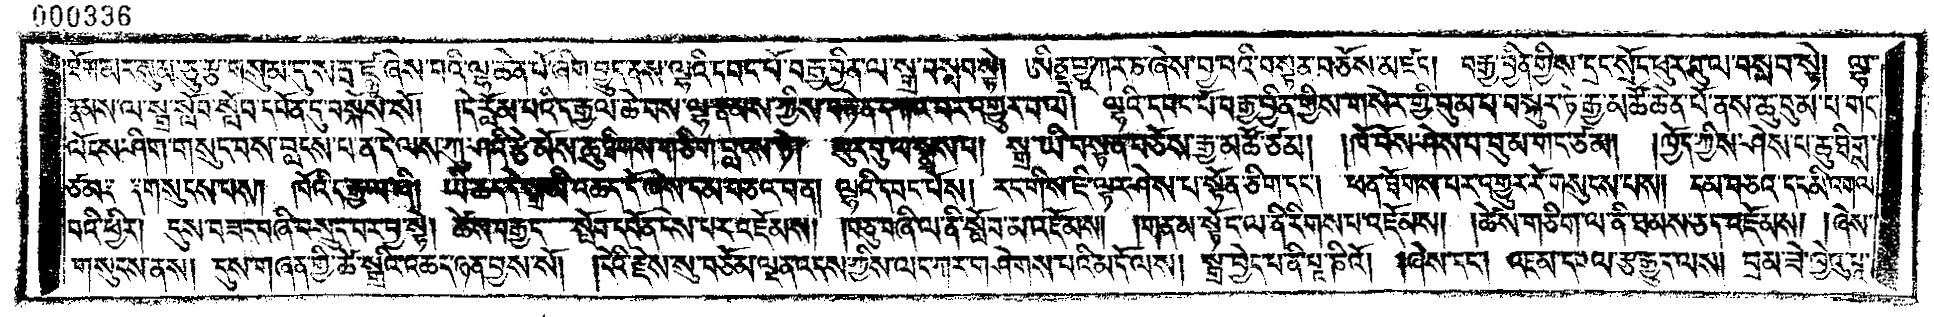ཐོག་མར་སུམ་ཅུ་རྩ་གསུམ་དུ་སརྦ་ཛྙ་ཞེས་པའི་ལྷ་ཆེན་པོ་ཞིག་བྱུང་ནས་ལྷའི་དབང་པོ་བརྒྱ་བྱིན་ལ་སྒྲ་བསླབ་སྟེ། ཨིནྡྲ་བྱཱ་ཀར་ཎ་ཞེས་བྱ་བའི་བསྟན་བཅོས་མཛད། བརྒྱ་བྱིན་གྱིས་དྲང་སྲོང་ཕུར་བུ་ལ་བསླབ་སྟེ། ལྷ་
རྣམས་ལ་སྒྲ་སློབ་སློབ་དཔོན་དུ་བསྐོས་སོ། །དེ་རློམ་པའི་ང་རྒྱལ་ཆེ་བས་ལྷ་རྣམས་ཀྱིས་བརྟེན་དཀའ་བར་འགྱུར་བ་ལ། ལྷའི་དབང་པོ་བརྒྱ་བྱིན་གྱིས་གསེར་གྱི་བུམ་པ་བསྐུར་ཏེ་རྒྱ་མཚོ་ཆེན་པོ་ནས་ཆུ་བུམ་པ་གང་
ལོངས་ཤིག་གསུང་བས་བླངས་པ་ན་དེ་ལས་ཀུ་ཤའི་རྩེ་མོས་ཆུ་ཐིགས་གཅིག་བླངས་ཏེ། ཕུར་བུ་ལ་སྨྲས་པ། སྒྲ་ཡི་བསྟན་བཅོས་རྒྱ་མཚོ་ཙམ། །ཁོ་བོས་ཤེས་པ་བུམ་གང་ཙམ། །ཁྱོད་ཀྱིས་ཤེས་པ་ཆུ་ཐིགས་
ཙམ༑ ༑གསུངས་པས། ཁོའི་ང་རྒྱལ་ཞི། ཡི་ཆད་དེ་སྒྲ་མི་འཆད་དོ་ཞེས་དམ་བཅའ་བ་ན། ལྷའི་དབང་པོས། རང་གིས་ཇི་ལྟར་ཤེས་པ་སྟོན་ཅིག་དང་། ཕན་ཐོགས་པར་འགྱུར་རོ་གསུངས་པས། དམ་བཅའ་དང་མི་འགལ་
བའི་ཕྱིར། དུས་བཟང་བཞི་བསྲུང་བར་བྱ་སྟེ། ཚེས་བརྒྱད་སློབ་དཔོན་ངེས་པར་འཇོམས། །བཅུ་བཞི་ལ་ནི་སློབ་མ་འཇོམས། །གནམ་སྟོང་ལ་ནི་རིགས་པ་འཇོམས། །ཚེས་གཅིག་ལ་ནི་ཐམས་ཅད་འཇོམས། །ཞེས་
གསུངས་ནས། དུས་གཞན་གྱི་ཚེ་སྒྲའི་འཆད་ཉན་བྱས་སོ། །དེའི་རྗེས་སུ་བཅོམ་ལྡན་འདས་ཀྱིས་ལང་ཀར་གཤེགས་པའི་མདོ་ལས། སྒྲ་བྱེད་པ་ནི་པཱ་ཎིའོ། །ཞེས་དང་། འཇམ་དཔལ་རྩ་རྒྱུད་ལས། བྲམ་ཟེ་ཁྱེའུ་པཱ་